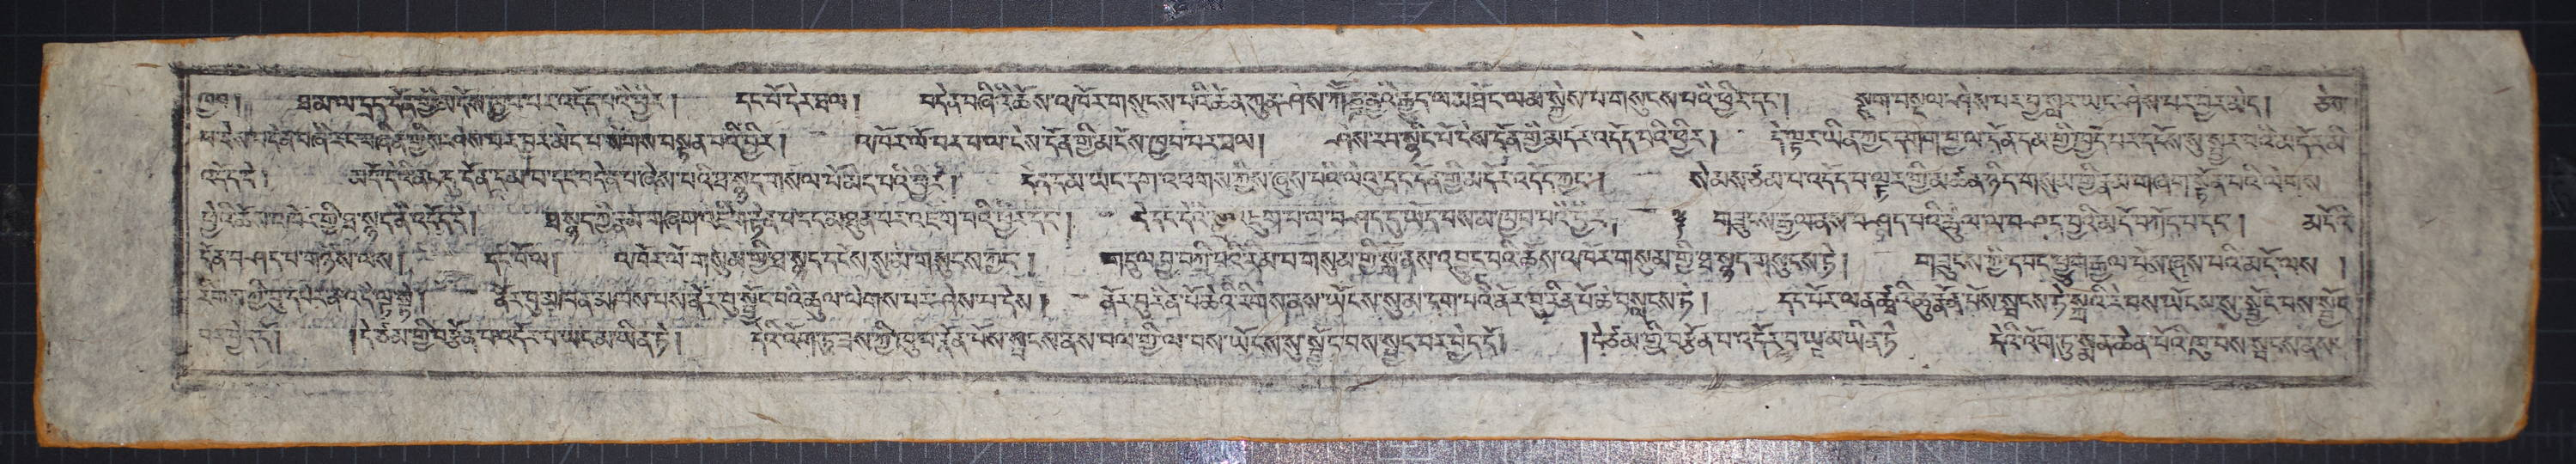ཁྱབ། ཐ་མ་ལ་དྲང་དོན་གྱི་མདོས་ཁྱབ་པར་འདོད་པའི་ཕྱིར། དང་པོ་དེར་ཐལ། བདེན་བཞིའི་ཆོས་འཁོར་གསུངས་པའི་ཚེ་ན་ཀུན་ཤེས་ཀཽཎྜི་ནྱའི་རྒྱུད་ལ་མཐོང་ལམ་སྐྱེས་པ་གསུངས་པའི་ཕྱིར་དང་། སྡུག་བསྔལ་ཤེས་པར་བྱ་སླར་ཡང་ཤེས་པར་བྱར་མེད། ཅེས་
པ་དེས་བདེན་བཞི་རང་བཞིན་གྱིས་ཤེས་པར་བྱར་མེད་པ་སོགས་བསྟན་པའི་ཕྱིར། འཁོར་ལོ་བར་པ་ལ་ངེས་དོན་གྱི་མདོས་ཁྱབ་པར་ཐལ། ཤེས་རབ་སྙིང་པོ་ངེས་དོན་གྱི་མདོར་འདོད་པའི་ཕྱིར། དེ་ལྟར་ཡིན་ཀྱང་དགག་བྱ་ལ་དོན་དམ་གྱི་ཁྱད་པར་དངོས་སུ་སྦྱར་བའི་མདོར་མི་
འདོད་དེ། མདོ་དེའི་ནང་དུ་དོན་དམ་པ་དང་བདེན་པ་ཞེས་པའི་ཐ་སྙད་གསལ་པོ་མེད་པའི་ཕྱིར། དོན་དམ་ཡང་དག་འཕགས་ཀྱིས་ཞུས་པའི་ལེའུ་དྲང་དོན་གྱི་མདོར་འདོད་ཀྱང་། སེམས་ཙམ་པ་འདོད་པ་ལྟར་གྱི་མཚན་ཉིད་གསུམ་གྱི་རྣམ་གཞག་སྟོན་པའི་ལེགས་
ཕྱེའི་ཆོས་འཁོར་གྱི་ཐ་སྙད་ནི་འདོད་དེ། ཐ་སྙད་ཀྱི་རྣམ་གཞག་འཇིག་རྟེན་པ་དང་མཐུན་པར་འཇོག་པའི་ཕྱིར་དང་། དེ་དང་དེའི་སྒྲ་འཇུག་པ་ལ་བཤད་དུ་ཡོད་པས་མ་ཁྱབ་པའི་ཕྱིར། ༈ གཟུངས་རྒྱལ་ནས་བཤད་པའི་ཚུལ་ལ་བཤད་བྱའི་མདོ་བཀོད་པ་དང་། མདོའི་
དོན་བཤད་པ་གཉིས་ལས། དང་པོ་ལ། འཁོར་ལོ་གསུམ་གྱི་ཐ་སྙད་དངོས་སུ་མ་གསུངས་ཀྱང་། གདུལ་བྱ་བཀྲི་བའི་རིམ་པ་གསུམ་གྱི་སྒོ་ནས་འབྱུང་བའི་ཆོས་འཁོར་གསུམ་གྱི་ཐ་སྙད་གསུངས་ཏེ། གཟུངས་ཀྱི་དབང་ཕྱུག་རྒྱལ་པོས་ཞུས་པའི་མདོ་ལས།
རིགས་ཀྱི་བུ་དཔེར་ན་འདི་ལྟ་སྟེ། ནོར་བུ་མཁན་མཁས་པས་ནོར་བུ་སྦྱོང་བའི་ཚུལ་ལེགས་པར་ཤེས་པ་དེས། ནོར་བུ་རིན་པོ་ཆེའི་རིགས་ནས་ཡོངས་སུ་མ་དག་པའི་ནོར་བུ་རིན་པོ་ཆེ་བསླངས་ཏེ། དང་པོར་ལན་ཚྭའི་ཆུ་རྣོན་པོས་སྦངས་ཏེ་སྐྲའི་རེ་བས་ཡོངས་སུ་སྦྱོང་བས་སྦྱོང་
བར་བྱེད་དོ། །དེ་ཙམ་གྱི་བརྩོན་པ་འདོར་བ་ཡང་མ་ཡིན་ཏེ། དེའི་འོག་ཏུ་ཟས་ཀྱི་ཁུ་བ་རྣོན་པོས་སྦངས་ནས་བལ་གྱི་ལྭ་བས་ཡོངས་སུ་སྦྱོང་བས་སྦྱོང་བར་བྱེད་དོ། །དེ་ཙམ་གྱི་བརྩོན་པ་འདོར་བ་ཡང་མ་ཡིན་ཏེ། དེའི་འོག་ཏུ་སྨན་ཆེན་པོའི་ཁུ་བས་སྦངས་ནས་